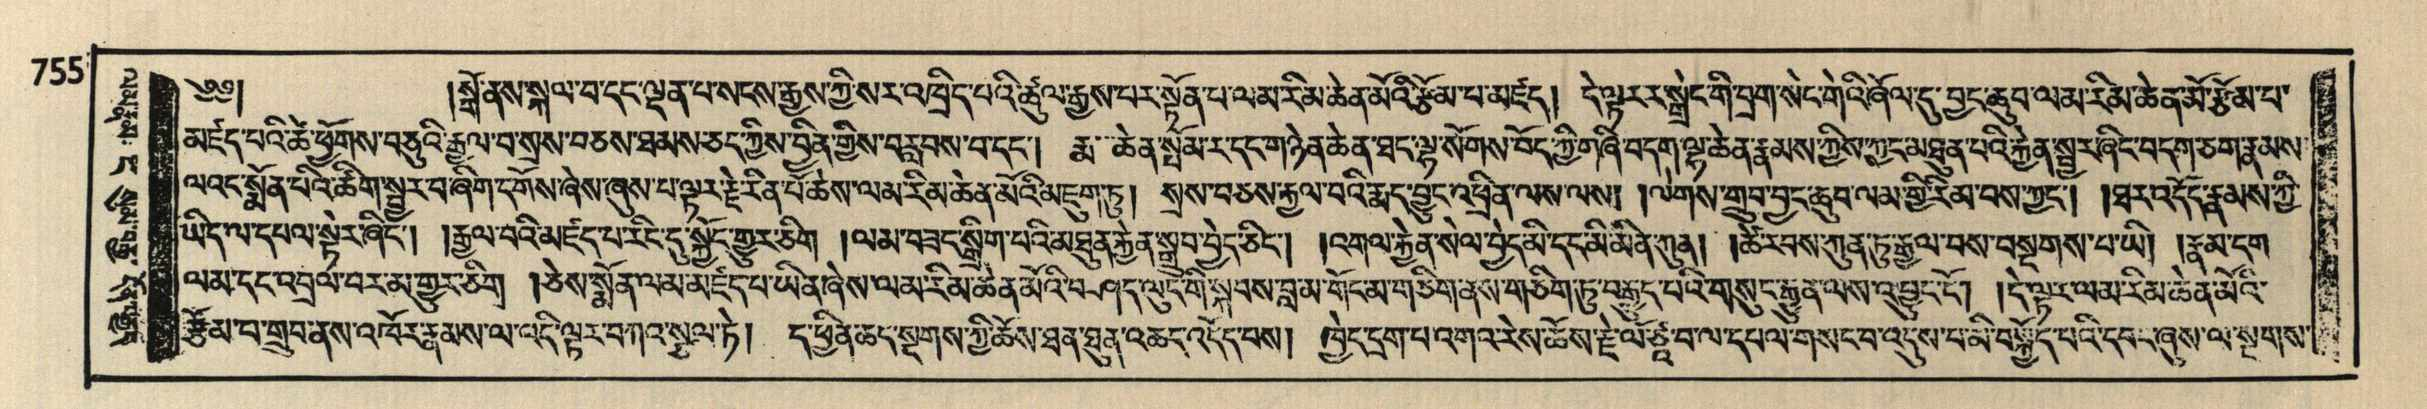༄༅། །སྒོ་ནས་སྐལ་བ་དང་ལྡན་པ་སངས་རྒྱས་ཀྱི་སར་འཁྲིད་པའི་ཚུལ་རྒྱས་པར་སྟོན་པ་ལམ་རིམ་ཆེན་མོའི་རྩོམ་པ་མཛད། དེ་ལྟར་ར་སྒྲེང་གི་བྲག་སེང་གེའི་ཞོལ་དུ་བྱང་ཆུབ་ལམ་རིམ་ཆེན་མོ་རྩོམ་པ་
མཛད་པའི་ཚེ་ཕྱོགས་བཅུའི་རྒྱལ་བ་སྲས་བཅས་ཐམས་ཅད་ཀྱིས་བྱིན་གྱིས་བརླབས་བ་དང་། རྨ་ཆེན་སྤོམ་ར་དང་གཉེན་ཆེན་ཐང་ལྷ་སོགས་བོད་ཀྱི་གཞི་བདག་ལྷ་ཆེན་རྣམས་ཀྱིས་ཀྱང་མཐུན་པའི་རྐྱེན་སྦྱར་ཞིང་བདག་ཅག་རྣམས་
ལའང་སྨོན་པའི་ཚིག་སྦྱར་བ་ཞིག་དགོས་ཞེས་ཞུས་པ་ལྟར་རྗེ་རིན་པོ་ཆེས་ལམ་རིམ་ཆེན་མོའི་མཇུག་ཏུ། སྲས་བཅས་རྒྱལ་བའི་རྨད་བྱུང་འཕྲིན་ལས་ལས། །ལེགས་གྲུབ་བྱང་ཆུབ་ལམ་གྱི་རིམ་བས་ཀྱང་། །ཐར་འདོད་རྣམས་ཀྱི་
ཡིད་ལ་དཔལ་སྟེར་ཞིང་། །རྒྱལ་བའི་མཛད་པ་རིང་དུ་སྐྱོང་གྱུར་ཅིག །ལམ་བཟང་སྒྲིག་པའི་མཐུན་རྐྱེན་སྒྲུབ་བྱེད་ཅིང་། །འགལ་རྐྱེན་སེལ་བྱེད་མི་དང་མི་མིན་ཀུན། །ཚེ་རབས་ཀུན་ཏུ་རྒྱལ་བས་བསྔགས་པ་ཡི། །རྣམ་དག་
ལམ་དང་འབྲལ་བར་མ་གྱུར་ཅིག །ཅེས་སྨོན་ལམ་མཛད་པ་ཡིན་ཞེས་ལམ་རིམ་ཆེན་མོའི་བཤད་ལུང་གི་སྐབས་བླ་མ་གོང་མ་གཅིག་ནས་གཅིག་ཏུ་བརྒྱུད་པའི་གསུང་རྒྱུན་ལས་འབྱུང་ངོ། །དེ་ལྟར་ལམ་རིམ་ཆེན་མོའི་
རྩོམ་པ་གྲུབ་ནས་འཁོར་རྣམས་ལ་འདི་ལྟར་བཀའ་སྩལ་ཏེ། ད་ཕྱིན་ཆད་སྔགས་ཀྱི་ཆོས་ཐན་ཐུན་འཆང་འདོད་པས། ཁྱེད་དྲག་པ་འགའ་རེས་ཆོས་རྗེ་ལོ་ཙཱ་བ་ལ་དཔལ་གསང་བ་འདུས་པ་མི་བསྐྱོད་པའི་དབང་ཞུས་ལ་སྔགས་